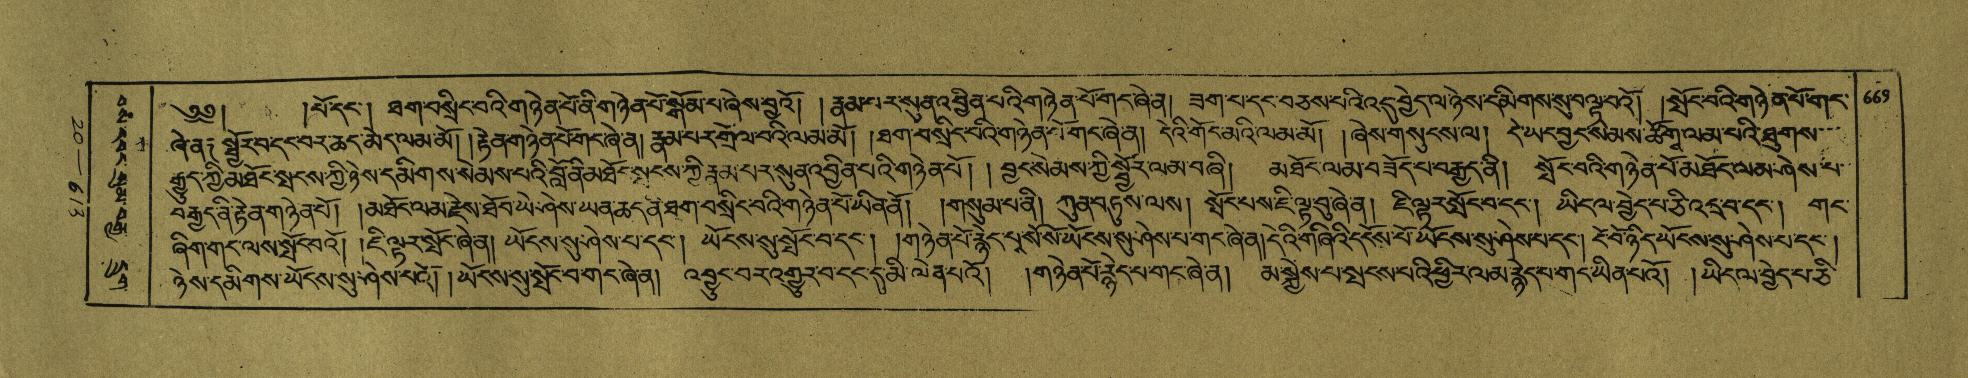༄༅། །པོ་དང་། ཐག་བསྲིང་བའི་གཉེན་པོ་ནི་གཉེན་པོ་སྒོམ་པ་ཞེས་བྱའོ། །རྣམ་པར་སུན་འབྱིན་པའི་གཉེན་པོ་གང་ཞེ་ན། ཟག་པ་དང་བཅས་པའི་འདུ་བྱེད་ལ་ཉེས་དམིགས་སུ་བལྟ་བའོ། །སྤོང་བའི་གཉེན་པོ་གང་
ཞེ་ན༑ སྦྱོར་བ་དང་བར་ཆད་མེད་ལམ་མོ། །རྟེན་གཉེན་པོ་གང་ཞེ་ན། རྣམ་པར་གྲོལ་བའི་ལམ་མོ། །ཐག་བསྲིང་བའི་གཉེན་པོ་གང་ཞེ་ན། དེའི་གོང་མའི་ལམ་མོ། །ཞེས་གསུངས་ལ། དེ་ཡང་བྱང་སེམས་ཚོགས་ལམ་པའི་ཐུགས་
རྒྱུད་ཀྱི་མཐོང་སྤངས་ཀྱི་ཉེས་དམིགས་སེམས་པའི་བློ་ནི་མཐོང་སྤངས་ཀྱི་རྣམ་པར་སུན་འབྱིན་པའི་གཉེན་པོ། །བྱང་སེམས་ཀྱི་སྦྱོར་ལམ་བཞི། མཐོང་ལམ་བཟོད་པ་བརྒྱད་ནི། སྤོང་བའི་གཉེན་པོ་མཐོང་ལམ་ཤེས་པ་
བརྒྱད་ནི་རྟེན་གཉེན་པོ། །མཐོང་ལམ་རྗེས་ཐོབ་ཡེ་ཤེས་ཡན་ཆད་ནི་ཐག་བསྲིང་བའི་གཉེན་པོ་ཡིན་ནོ། །གསུམ་པ་ནི། ཀུན་བཏུས་ལས། སྤོང་པས་ཇི་ལྟ་བུ་ཞེ་ན། ཇི་ལྟར་སྤོང་བ་དང་། ཡིད་ལ་བྱེད་པ་ཅི་འདྲ་བ་དང་། གང་
ཞིག་གང་ལས་སྤོང་བའོ། །ཇི་ལྟར་སྤོང་ཞེ་ན། ཡོངས་སུ་ཤེས་པ་དང་། ཡོངས་སུ་སྤོང་བ་དང་། །གཉེན་པོ་རྙེད་པས་སོ་སོ་ཡོངས་སུ་ཤེས་པ་གང་ཞེ་ན། དེའི་གཞིའི་དངོས་པོ་ཡོངས་སུ་ཤེས་པ་དང་། ངོ་བོ་ཉིད་ཡོངས་སུ་ཤེས་པ་དང་།
ཉེས་དམིགས་ཡོངས་སུ་ཤེས་པའོ། །ཡོངས་སུ་སྤོང་བ་གང་ཞེ་ན། འབྱུང་བར་འགྱུར་བ་དང་དུ་མི་ལེན་པའོ། །གཉེན་པོ་རྙེད་པ་གང་ཞེ་ན། མ་སྐྱེས་པ་སྤངས་པའི་ཕྱིར་ལམ་རྙེད་པ་གང་ཡིན་པའོ། །ཡིད་ལ་བྱེད་པ་ཅི་